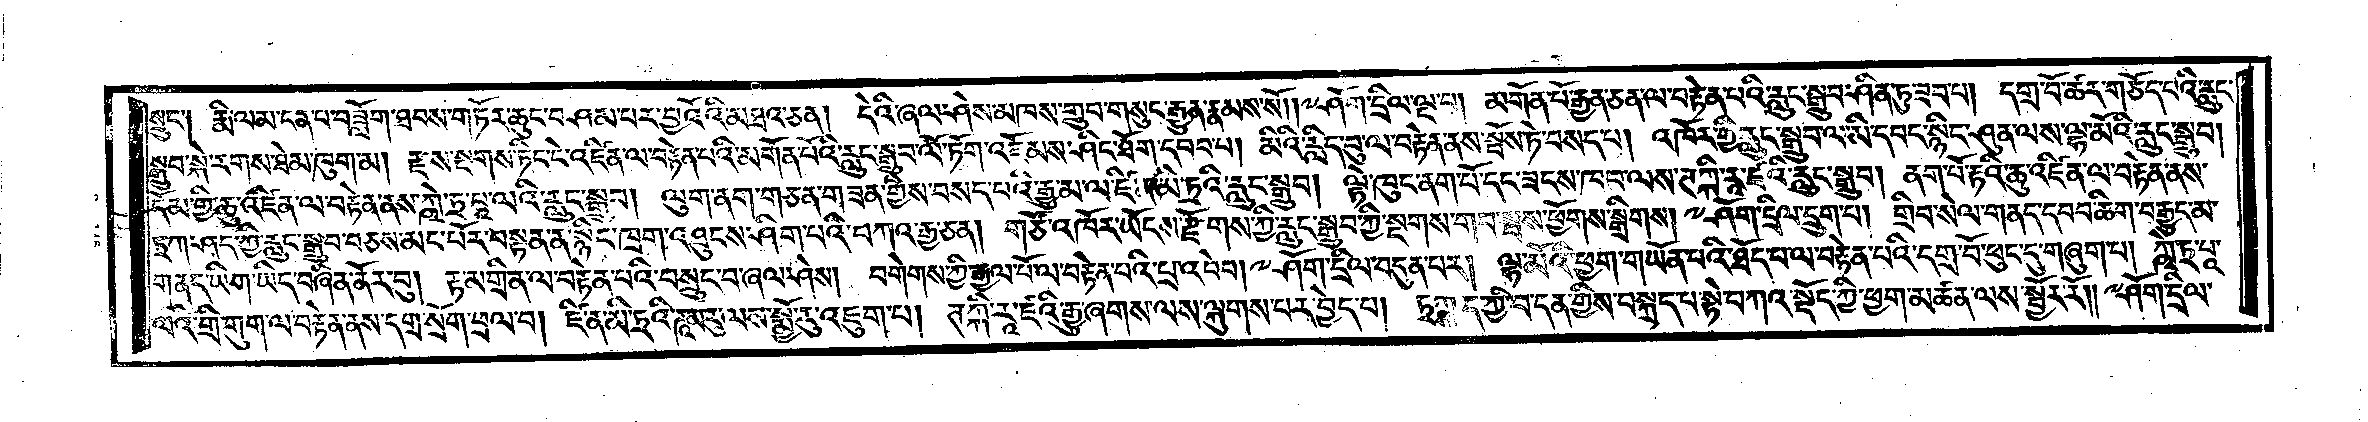སྲུང་། རྨི་ལམ་ངན་པ་བཟློག་ཐབས་གཏོར་ཆུང་བཤམ་པར་བྱའོའི་མཐའ་ཅན། དེའི་ཞལ་ཤེས་མཁས་གྲུབ་གསུང་རྒྱུན་རྣམས་སོ། །༧ཤོག་དྲིལ་ལྔ་པ། མགོན་པོ་རྒྱན་ཅན་ལ་བརྟེན་པའི་རླུང་སྒྲུབ་ཤིན་ཏུ་ཟབ་པ། དགྲ་བོ་ཚར་གཅོད་པའི་རླུང་
སྒྲུབ་སྐེ་རགས་ཐེམ་ཁུག་མ། རྫས་སྔགས་ཏིང་ངེ་འཛིན་ལ་བརྟེན་པའི་མགོན་པོའི་རླུང་སྒྲུབ་ལོ་ཏོག་འཇོམས་ཤིང་ཐོག་དབབ་པ། མིའི་རླིད་བུ་ལ་བརྟེན་ནས་སྦོས་ཏེ་བསད་པ། འཁོར་གྱི་རླུང་སྒྲུབ་ལ་མི་དབང་སྙིང་ཤུན་ལས་ལྷ་མོའི་རླུང་སྒྲུབ།
དོམ་གྱི་ཆུ་འཛིན་ལ་བརྟེན་ནས་ཀྵི་ཏྲ་པཱ་ལའི་རླུང་སྒྲུབ། ལུག་ནག་གཅན་གཟན་གྱིས་བསད་པའི་རྒྱུ་མ་ལ་ཛིན་མི་ཏྲའི་རླུང་སྒྲུབ། ལྟེ་ཁུང་ནག་པོ་དང་ཟངས་ཁབ་ལས་ཊཀྐི་རཱ་ཛའི་རླུང་སྒྲུབ། ནག་པོ་རྟའི་ཆུ་འཛིན་ལ་བརྟེན་ནས་
ཏྲཀ་ཤད་ཀྱི་རླུང་སྒྲུབ་བཅས་མང་པོར་བསྟན་ན་སྙིང་ཁྲག་འཐུངས་ཤིག་པའི་བཀའ་རྒྱ་ཅན། གཙོ་འཁོར་ཡོངས་རྫོགས་ཀྱི་རླུང་སྒྲུབ་ཀྱི་སྔགས་གབ་སྦས་ཕྱོགས་སྒྲིགས། ༧ཤོག་དྲིལ་དྲུག་པ། གྲིབ་སེལ་གནད་དབབ་ཆིག་བརྒྱུད་མ་
གནད་ཡིག་ཡིད་བཞིན་ནོར་བུ། རྟ་མགྲིན་ལ་བརྟེན་པའི་བསྲུང་བ་ཞལ་ཤེས། བགེགས་ཀྱི་རྒྱལ་པོ་ལ་བརྟེན་པའི་པྲ་འབེབ། ༧ཤོག་དྲིལ་བདུན་པར། ལྷ་མོའི་ཕྱག་གཡོན་བའི་ཐོད་པ་ལ་བརྟེན་པའི་དགྲ་བོ་ཕུང་དུ་གཞུག་པ། ཀྵེ་ཏྲ་པཱ་
ལའི་གྲི་གུག་ལ་བརྟེན་ནས་དགྲ་སྲོག་ཕྲལ་བ། ཛིན་མི་ཏྲའི་ཌཱམ་རུ་ལས་སྨྱོ་རུ་འཇུག་པ། ཊཀྐི་རཱ་ཛའི་རྒྱུ་ཞགས་ལས་ལྐུགས་པར་བྱེད་པ། ཏྭཀས་དཀྱི་བདན་གྱིས་བསྐྲད་པ་སྟེ་བཀའ་སྡོད་ཀྱི་ཕྱག་མཚན་ལས་སྦྱོར་རོ། །༧ཤོག་དྲིལ་